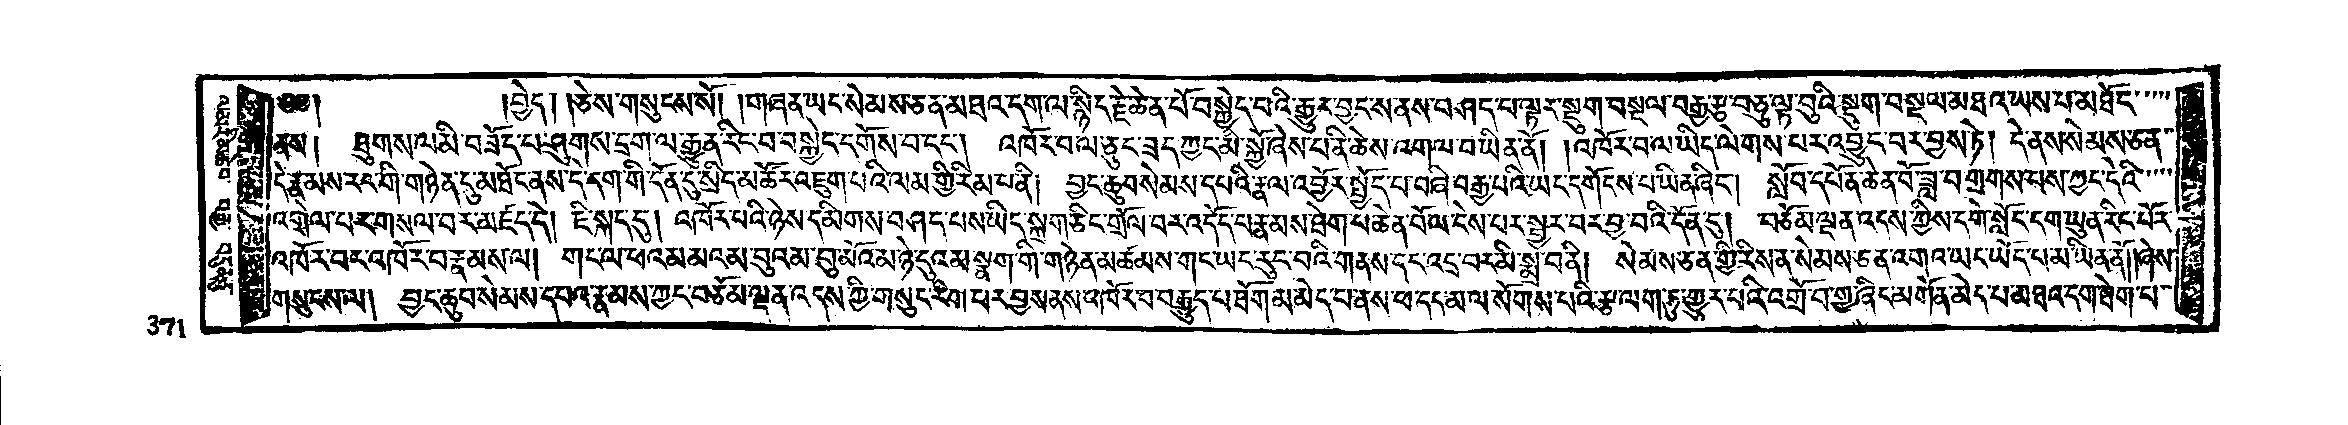༄༅། །བྱེད༑ ༑ཅེས་གསུངས་སོ། །གཞན་ཡང་སེམས་ཅན་མཐའ་དག་ལ་སྙིང་རྗེ་ཆེན་པོ་བསྐྱེད་པའི་རྒྱུར་བྱང་ས་ནས་བཤད་པ་ལྟར་སྡུག་བསྔལ་བརྒྱ་རྩ་བཅུ་ལྟ་བུའི་སྡུག་བསྔལ་མཐའ་ཡས་པ་མཐོང་
ནས༑ ཐུགས་ལ་མི་བཟོད་པ་ཤུགས་དྲག་ལ་རྒྱུན་རིང་བ་བསྐྱེད་དགོས་པ་དང་། འཁོར་བ་ལ་ཅུང་ཟད་ཀྱང་མི་སྐྱོ་ཞེས་པ་ནི་ཆེས་འགལ་བ་ཡིན་ནོ། །འཁོར་བ་ལ་ཡིད་ལེགས་པར་འབྱུང་བར་བྱས་ཏེ། དེ་ནས་སེམས་ཅན་
དེ་རྣམས་རང་གི་གཉེན་དུ་མཐོང་ནས་དེ་དག་གི་དོན་དུ་སྲིད་མཚོར་འཇུག་པའི་ལམ་གྱི་རིམ་པ་ནི། བྱང་ཆུབ་སེམས་དཔའི་རྣལ་འབྱོར་སྤྱོད་པ་བཞི་བརྒྱ་པའི་ཡང་དགོངས་པ་ཡིན་ཞིང་། སློབ་དཔོན་ཆེན་པོ་ཟླ་བ་གྲགས་པས་ཀྱང་དེའི་
འགྲེལ་པར་གསལ་བར་མཛད་དེ། ཇི་སྐད་དུ། འཁོར་བའི་ཉེས་དམིགས་བཤད་པས་ཡིད་སྐྲག་ཅིང་གྲོལ་བར་འདོད་པ་རྣམས་ཐེག་པ་ཆེན་པོ་ལ་ངེས་པར་སྦྱར་བར་བྱ་བའི་དོན་དུ། བཅོམ་ལྡན་འདས་ཀྱིས་དགེ་སློང་དག་ཡུན་རིང་པོར་
འཁོར་བར་འཁོར་བ་རྣམས་ལ། གང་ལ་ཕའམ་མའམ་བུའམ་བུ་མོའམ་ཉེ་དུའམ་སྣག་གི་གཉེན་མཚམས་གང་ཡང་རུང་བའི་གནས་དང་འདྲ་བར་མི་སྨྲ་བ་ནི། སེམས་ཅན་གྱི་རིས་ན་སེམས་ཅན་འགའ་ཡང་ཡོད་པ་མ་ཡིན་ནོ། །ཞེས་
གསུངས་ལ། བྱང་ཆུབ་སེམས་དཔའ་རྣམས་ཀྱང་བཅོམ་ལྡན་འདས་ཀྱི་གསུང་རིག་པར་བྱས་ནས་འཁོར་བ་བརྒྱུད་པ་ཐོག་མ་མེད་པ་ནས་ཕ་དང་མ་ལ་སོགས་པའི་རྩ་ལག་ཏུ་གྱུར་པའི་འགྲོ་བ་གྱ་ཞིང་མགོན་མེད་པ་མཐའ་དག་ཐེག་པ་